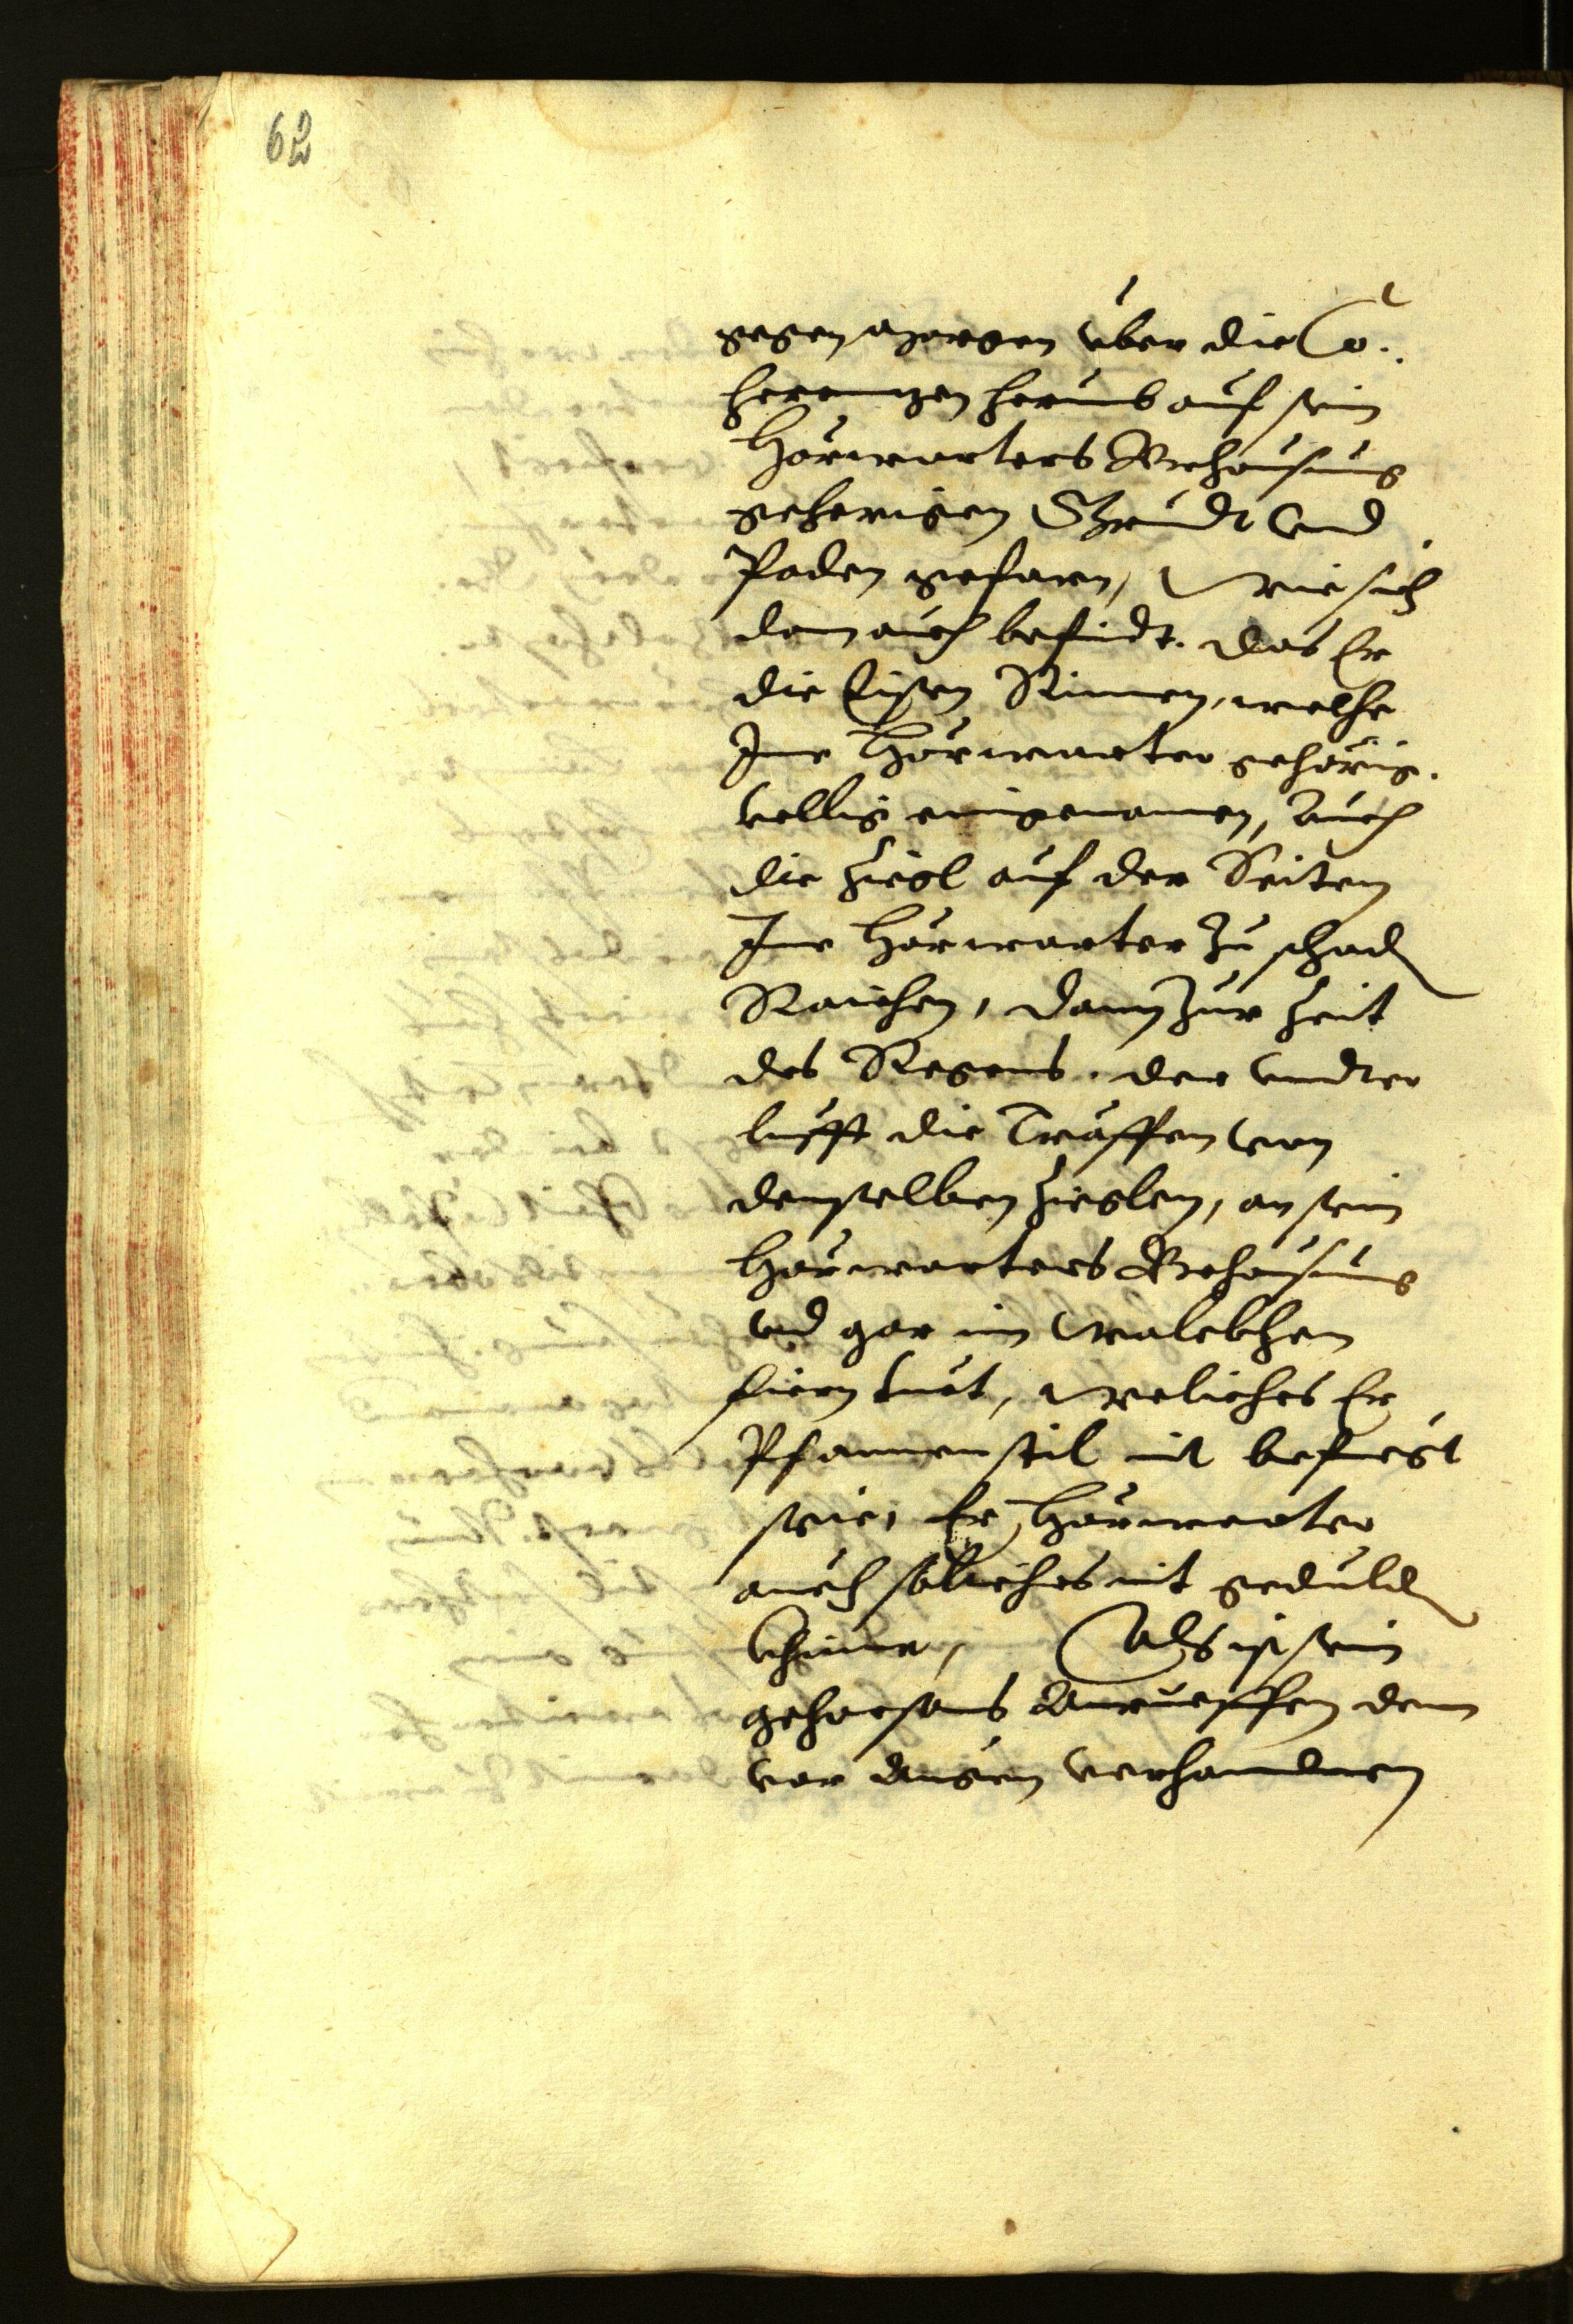62
gegen Morgen v̄ber die Co¬
herenntzen herūmb aūf sein
Hōrwarters Behaūsūng
geherigen Grūndt vnd
Poden gefarn, Wie sich
dann aūch befindt. das Er
die Eisen Rinnen, welche
Ime Hōrwarter gehōrig.
vellig eingenommen, Aūch
die Ziegl aūf der Seiten
Ime Hōrwarter Zū schad
Raichen, dann Zūr Zeit
des Regens. der vndter
leūfft die Trāffen von
denselben Zieglen, an sein
Hōrwarters Behaūsūng
vnd gar im Walckhen
fiern tuēt, weliches Er
Pfannenstil nit befiegt
seie, Er Hōrwarter
aūch soliches nit gedūld
khinne, Als ist sein
gehorsams Anrūeffen dem
vor Aūgen verhanndnen